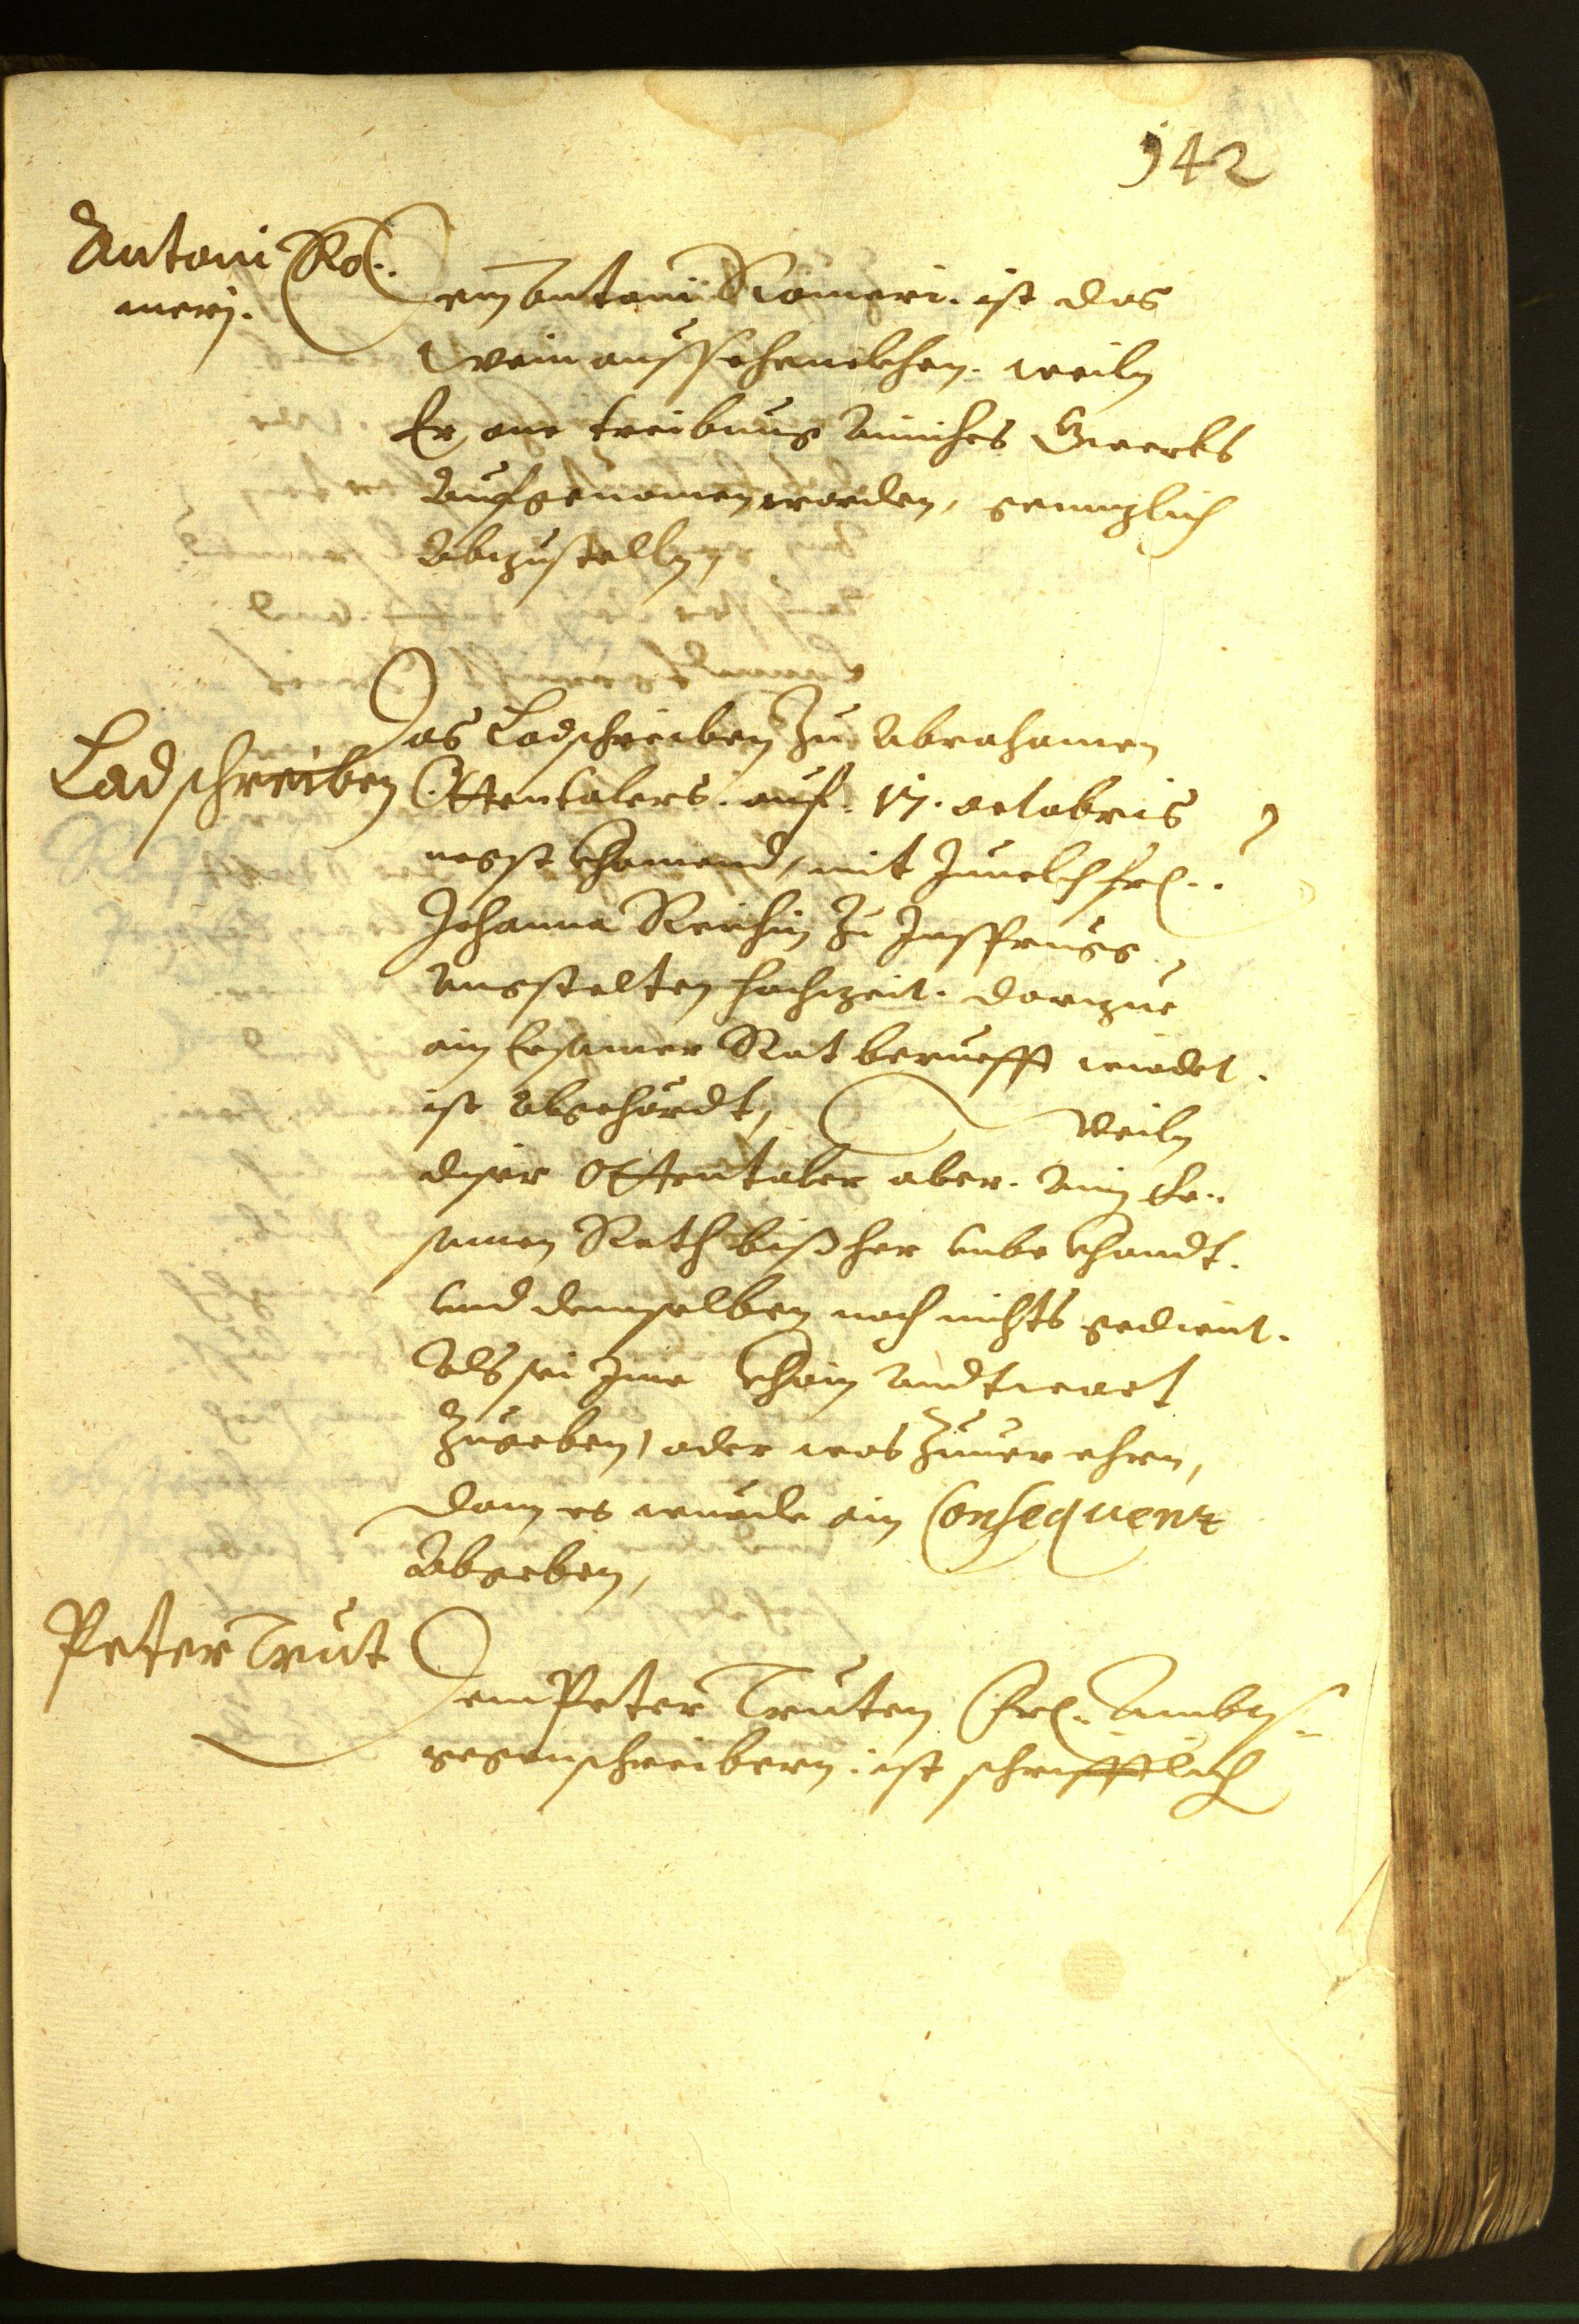142
Dem Antoni Romeri. ist das
Wein aūsschenckhen. weiln
Er one treibūng Ainiches Gwerbs
Aūfgenomen worden, gennzlich
Abzūstelln,
Antoni Ro¬
merj.
Das Ladschreiben Zū Abrahamen
Ottentalers. aūf: 17. octobris
negst khomend, mit Jūnckhfr:
Johanna Reichin Zū Insprūgg
Angestelten hochzeit. darzūe
ain Ersamer Rat berūefft wirdet.
ist Abgehōrdt, Weiln
diser Ottentaler aber. Aim Er¬
samen Rath biß her vnbe khandt.
vnd demselben noch nichts gedient.
Als sei Ime khain Andtwort
Zūgeben, oder was Zūūer ehrn,
dann es wūrde ain Consequenz
Abgeben,
Lad schreiben
Peter Trūt
Dem Peter Trūten Frl: Ambts¬
gegenschreibern. ist schrifftlich